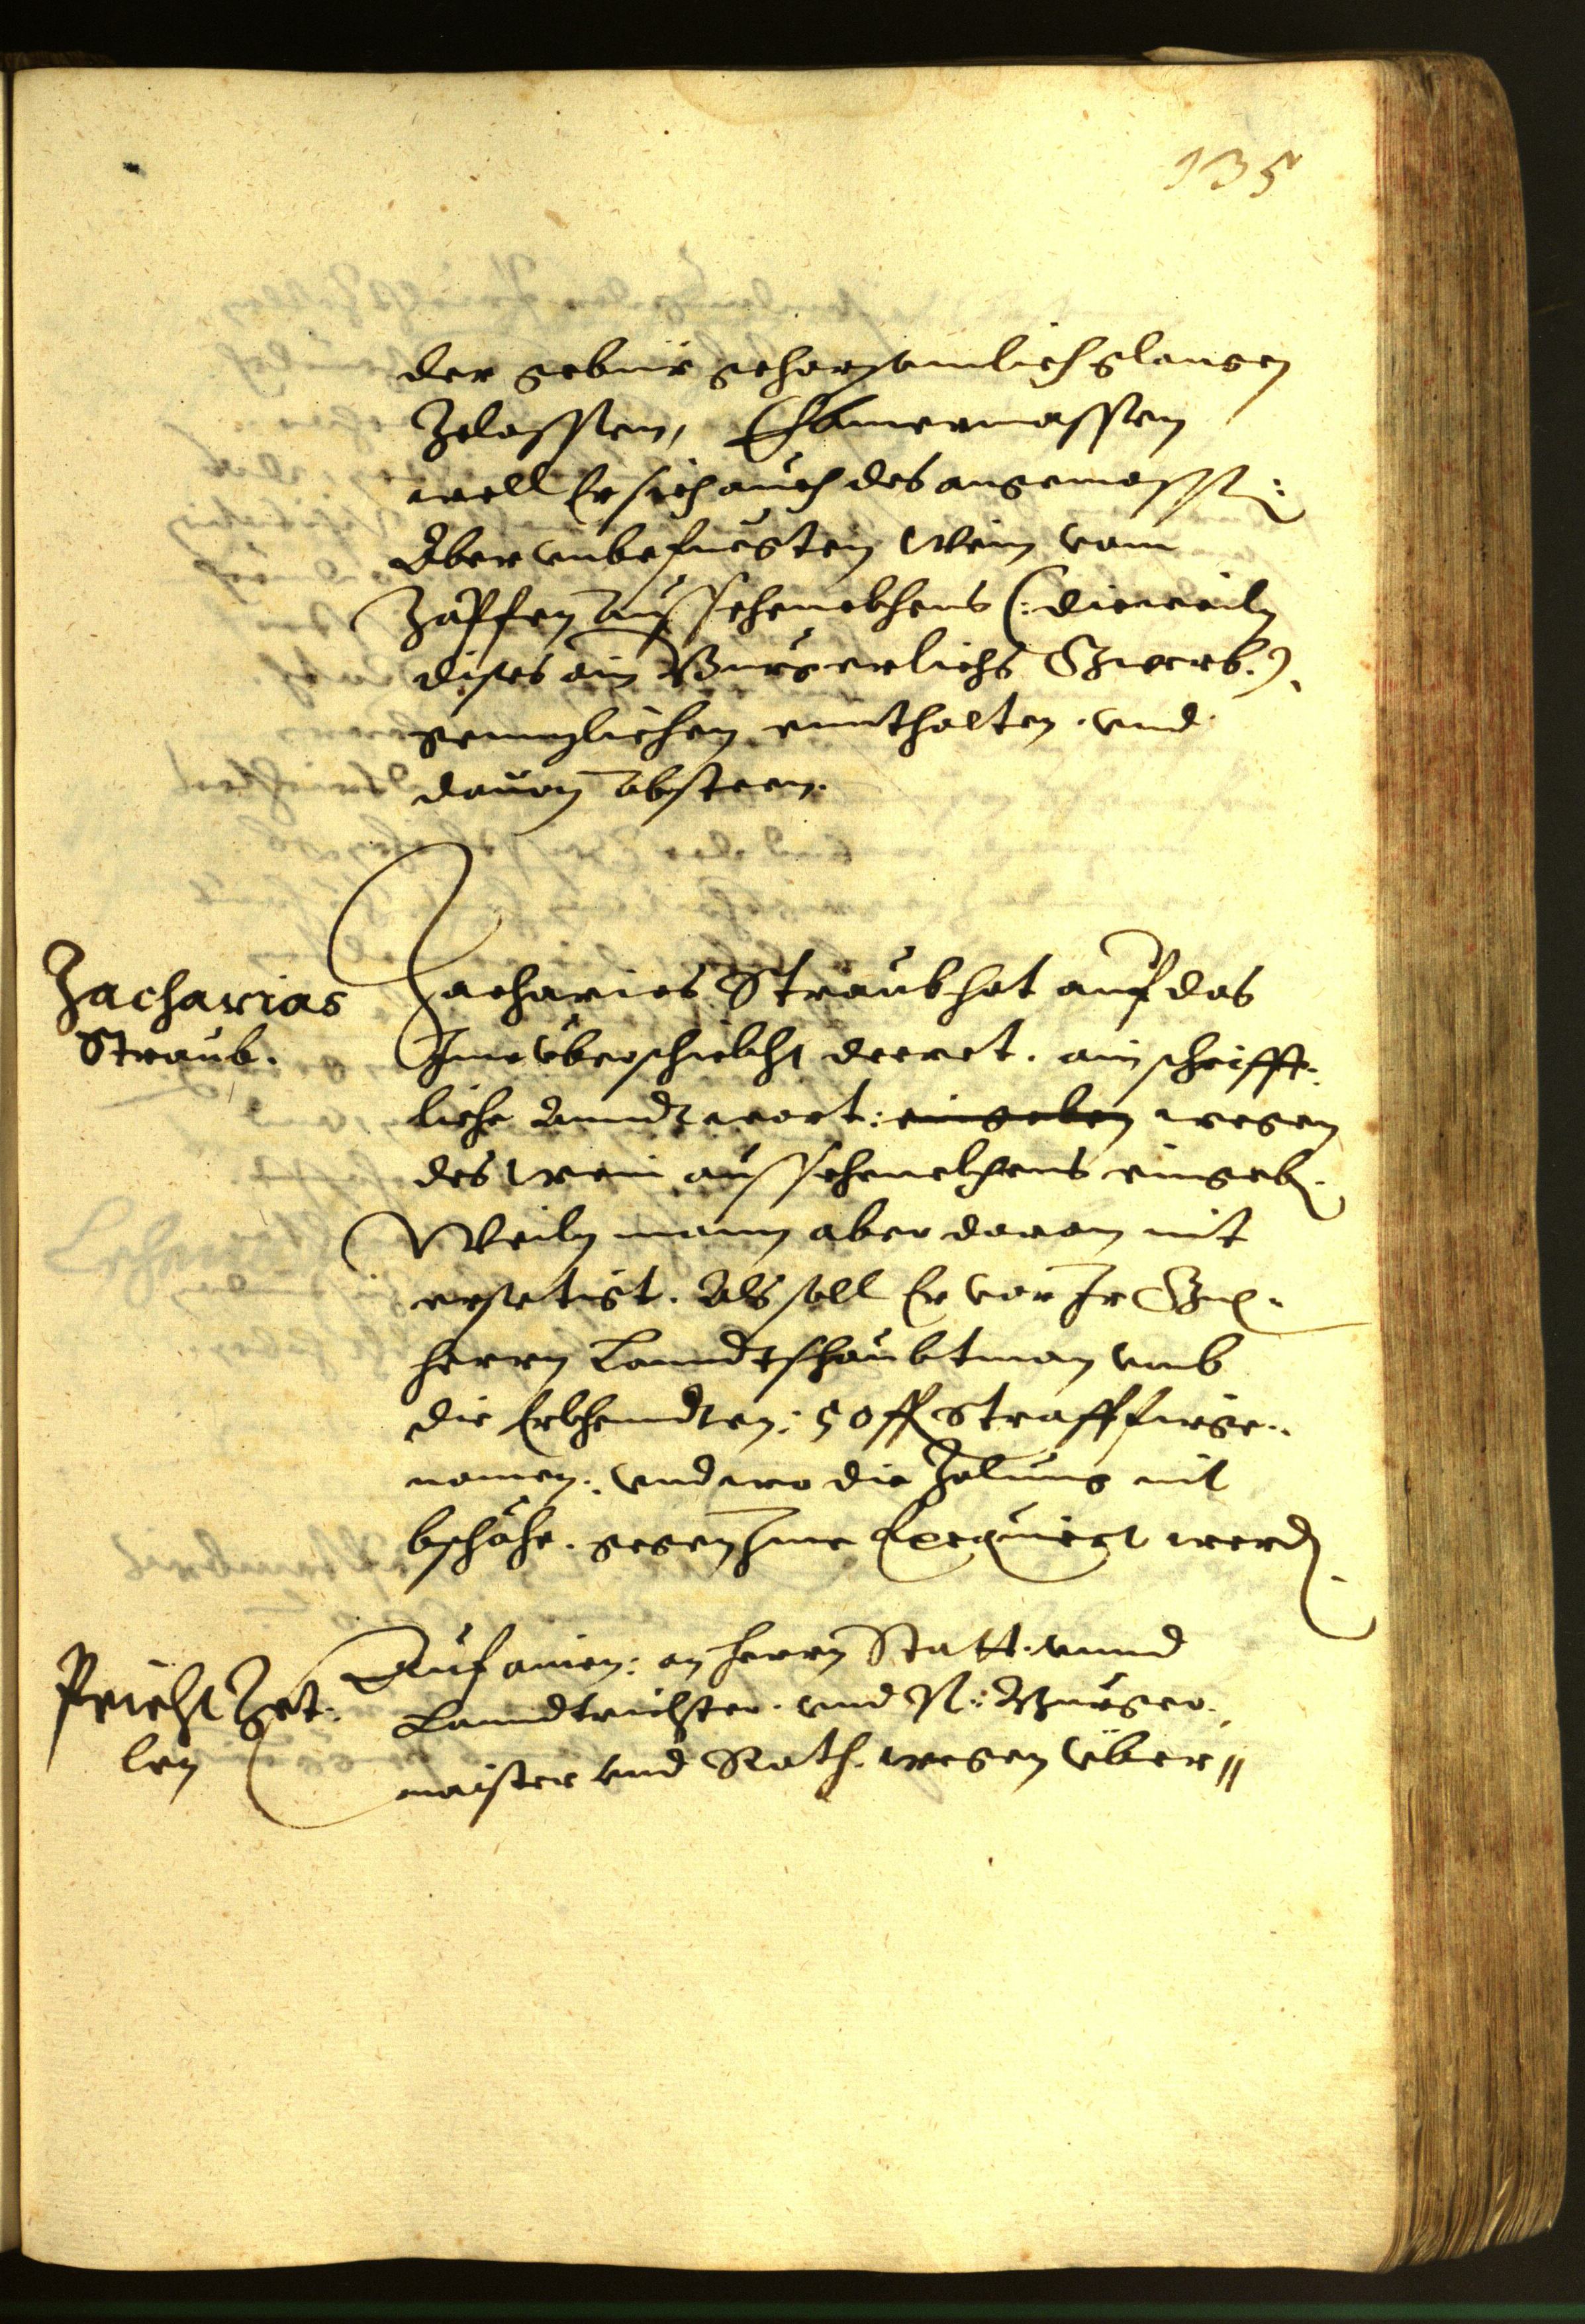135
der gebür gehorsamlich glangen
Zelassen, Ebmermassen
well Er sich aūch des angemasst¬
Aber vnbefūegten Wein vom
ZaPfen Aūsschenckhens (:dieweiln
dises ain Būrgeerlichs Gwerb.).
gennzlichen ennthalten. vnd
daūon Absteen.
Zacharias Straūb hat aūf das
Ime v̄berschickht decret. ain schrifft¬
liche Anndtwort: eingeben wegen
des wein aūsschenckhens eingeb.
Weiln mann aber daran nit
Ersetigt. Als soll Er vor Ir Gn:
Herrn Landtshaūbtman vmb
die Erkhenndten: 50 fl Straff firge¬
nomen: vnd wo die Zalūng nit
bschōhe. gegen Ime Exeqūiert werd.
Zacharias
Straūb.
Aūf ainen: an herrn Statt. vnnd
Lanndtrichter. vnd N. Būrger¬
maister vnd Rath. wegen v̈ber¬
Peicht Zet¬
len